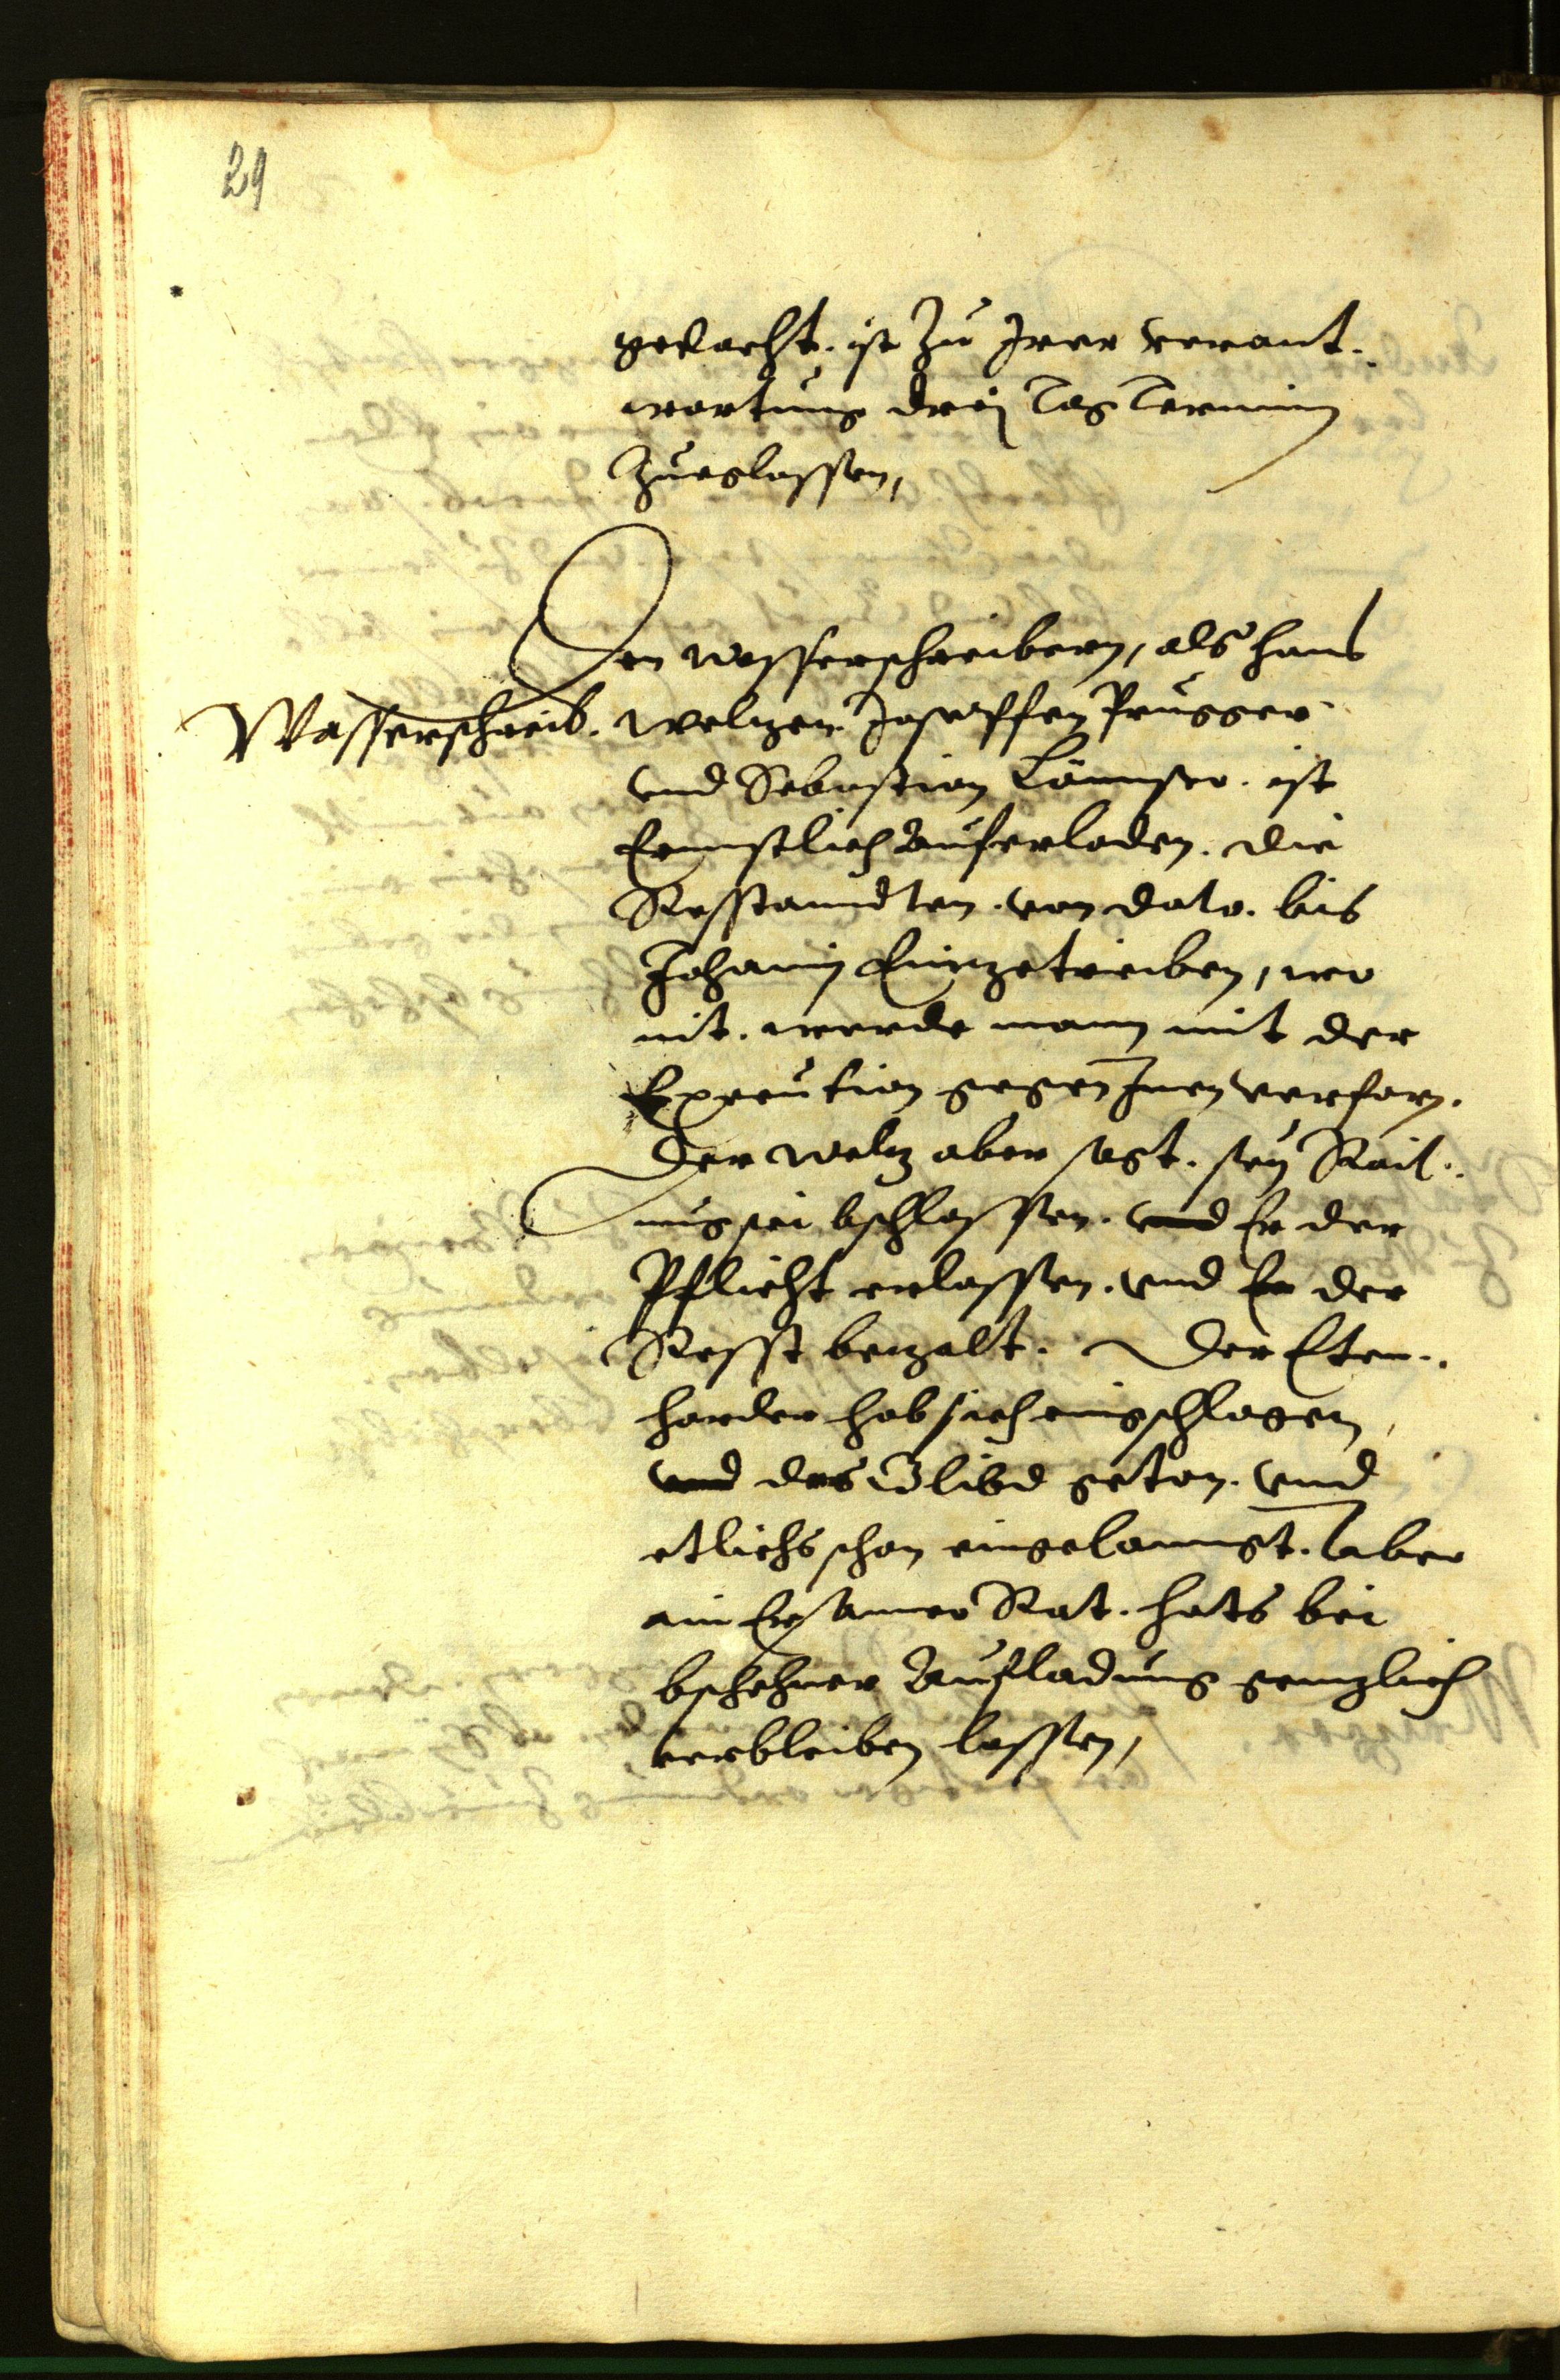29
gedacht. ist Zū Irer verant¬
wortūng drei Tag Termin
Zūeglassen,
Den Wasserschreibern, als hans
Weltzer. Joseffen Prūgger.
vnd Sebastian Lännser. ist
Ernnstlich Aūferladen. die
Resstanndten von dato bis
Johannj Einzetreiben, wen
nit. werde mann mit der
Execūtion gegen Inen verfarn.
Der Walz aber sagt. sein Rait¬
ūng sei beschlossen. vnd Er der
Pflicht erlassen. vnd Er der
Resst bezalt. Der Eten¬
harder hab sich eingschlagen
vnd das Glibd getan. vnd
etlichs schon eingelanngt. Aber
ain Ersamer Rat. hats bei
bschehner Aūfladūng gennzlich
verbleiben lassen,
Wasserschreib.